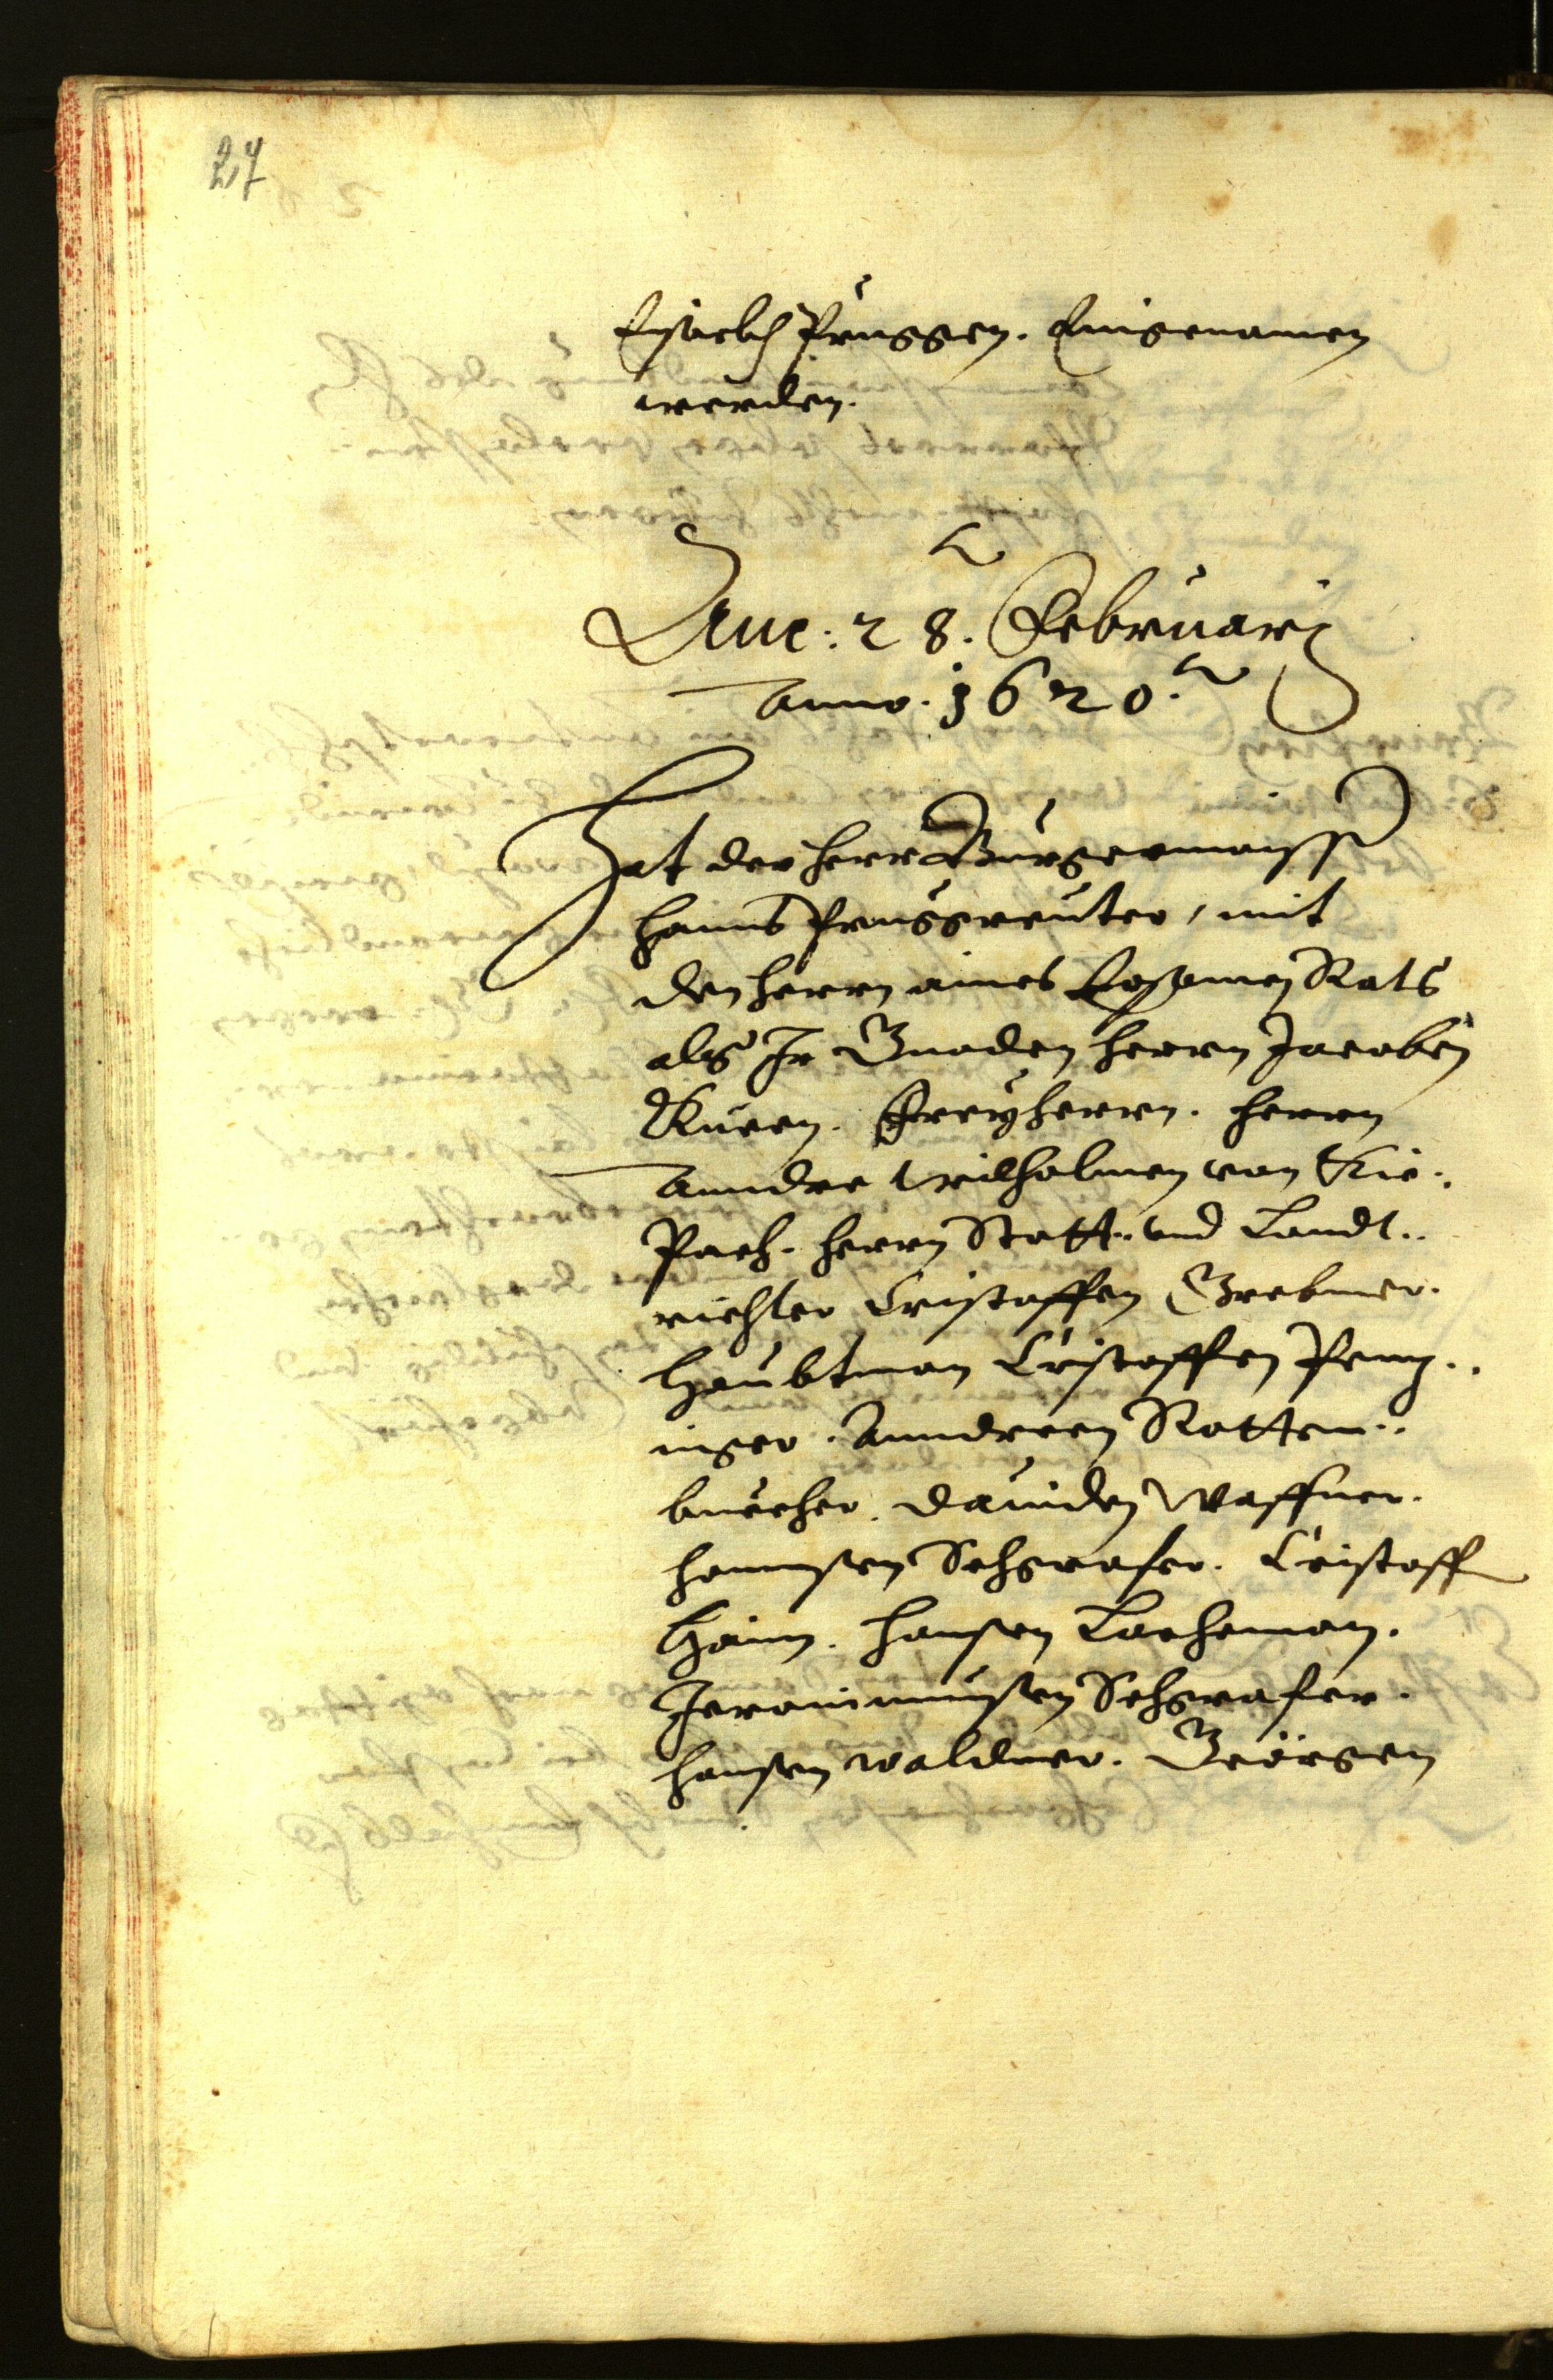27
Eisackh Prūggen. Eingenomen
werden.
t
Am: 28. Febrūarj
Anno. 1620 t.
Hat der herr Būrgermaisst
Hanns Prūggreūter, mit
den herrn aines Ersamen Rats
also Ir Gnaden herrn Jacoben
Kūeen. Freȳherrn. herrn
Anndre Wilhalmen von Kie¬
Pach. herrn Statt: vnd Landt¬
richter Cristoffen Grebmer.
Haūbtman Cristoffen Penz¬
inger. Anndreen Rotten¬
būecher. Daūiden Waffner.
Hannsen Schgrafer. Cristoff
Haim. hannsen Locheman.
Jeronimūsen Schgrafer.
hansen Waldner. Geörgen